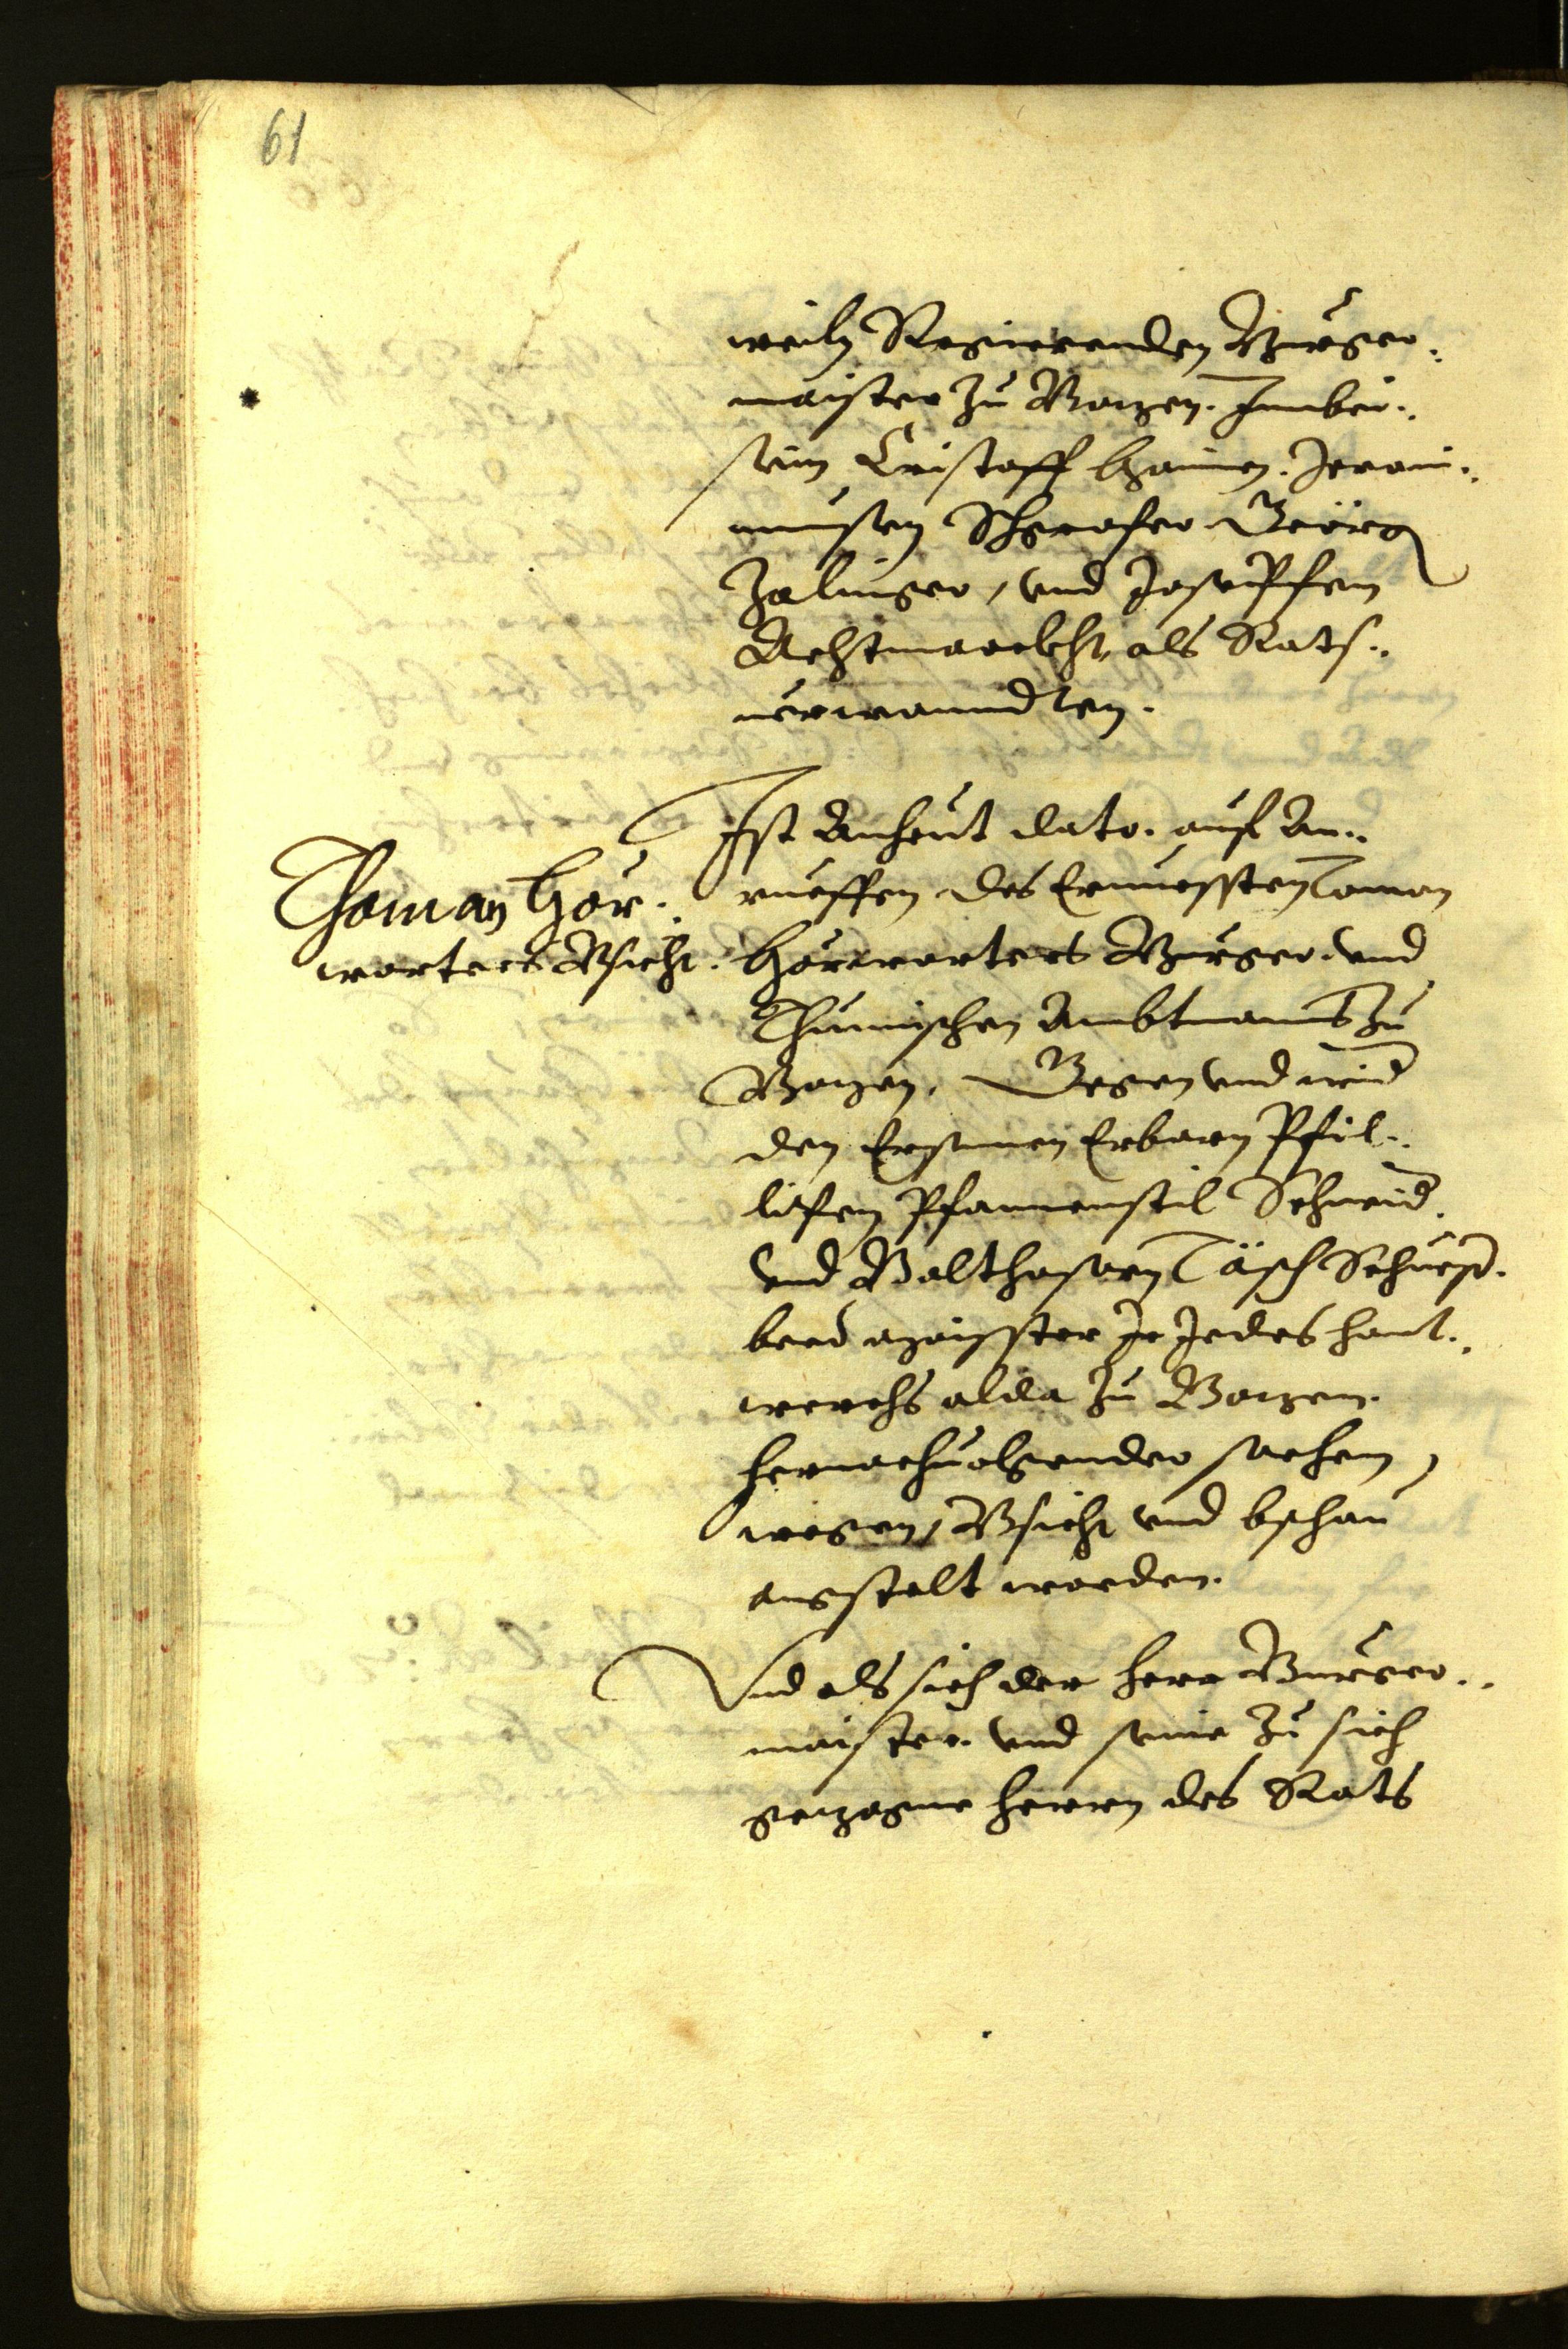61
weiln Regierenden Būrger¬
maister Zū Bozen. Innbei¬
sein Cristoff Haimen. Jeroni¬
mūsen Schgrafer Geörg
Zalinger, vnd Joseffen
Achtmarckht, als Rats¬
vērwanndten.
Ist Anheūt dato. aūf An¬
rūeffen des Ernūessten Toman
Hōrwarters Būrger. vnd
Thūnischen Ambtmanns Zū
Bozen. Gegen vnd wid
den Ersamen Erbarn Pfil¬
liPen Pfannenstil Schneid.
vnd Balthasarn Täsch Schūest.
beed maisster Ir Jedes hant¬
werchs alda Zū Bozen.
Hernachūolgender sachen
wegen, Bsicht vnd bschaū
angestelt worden.
Thoman Hōr¬
warters Bsicht.
Vnd als sich der herr Būrger¬
maister. vnd seine Zū sich
gezogne herrn des Rats